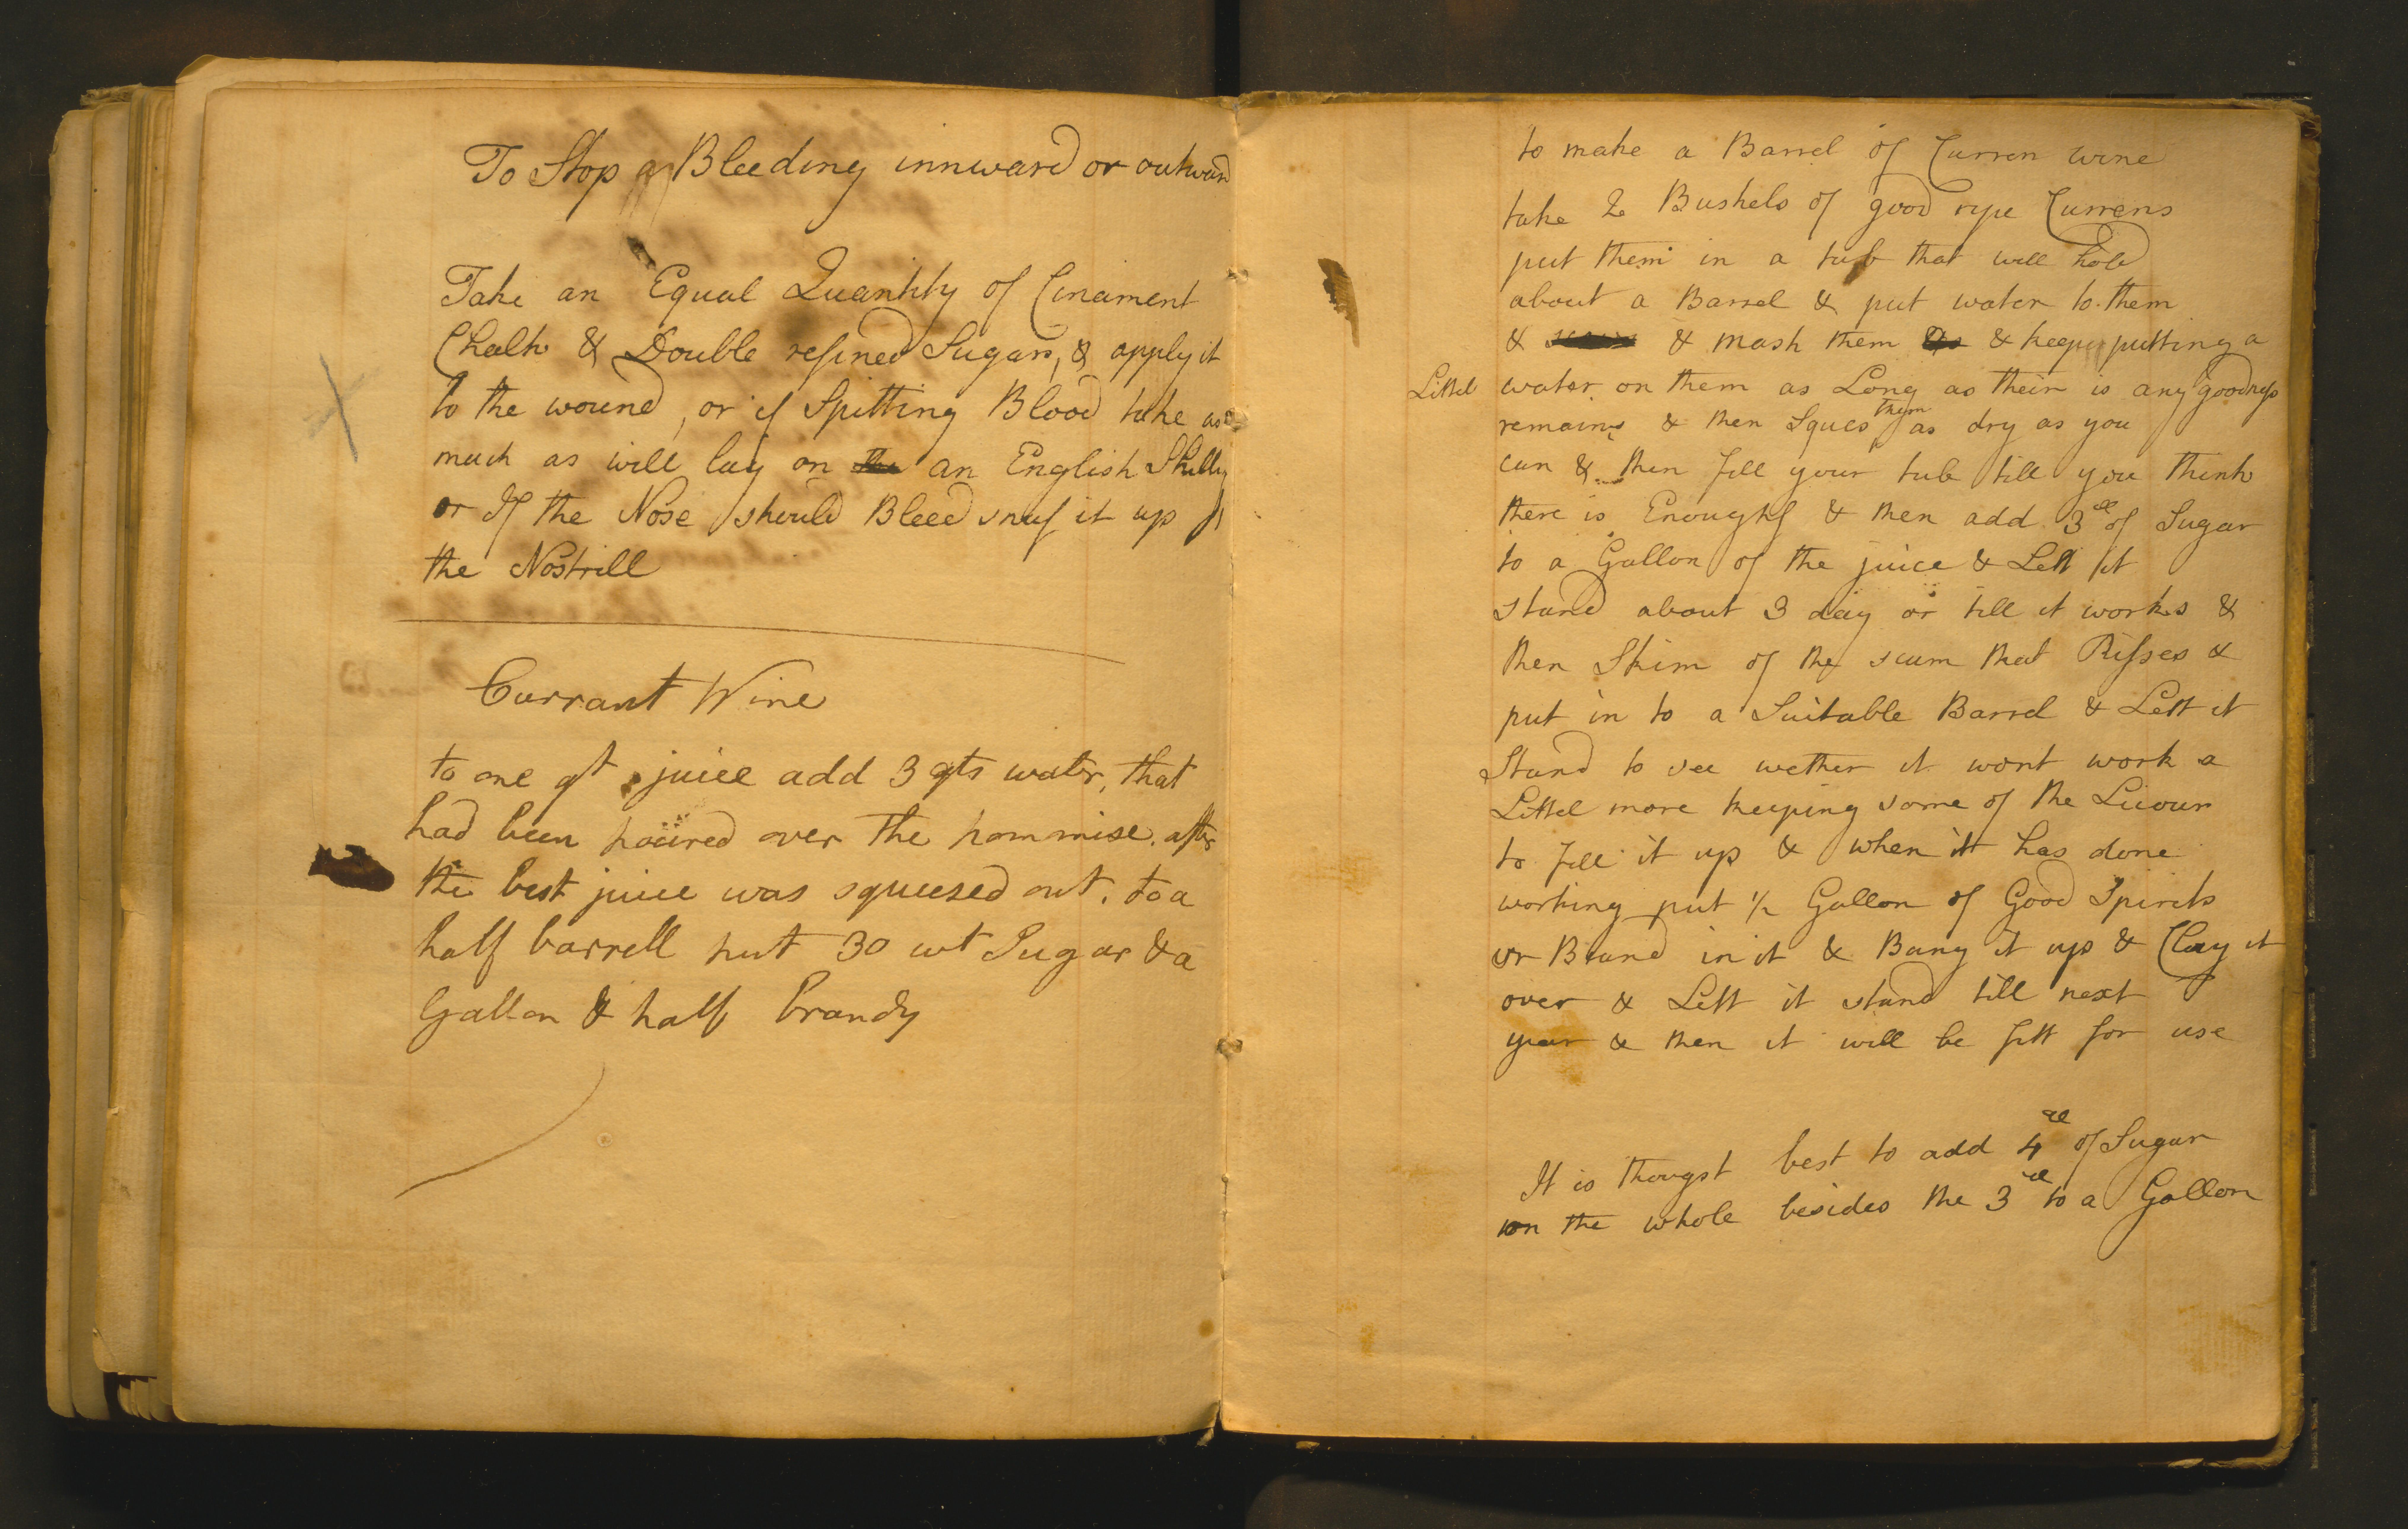To Stop a Bleeding innward or outward
Take an Equal Quantity of Cinament
Chalk & Double refined Sugar, & apply it
to the wound, or if Spitting Blood take as
much as will lay on [___] an English Shilling
or If the Nose should Bleed snuf it up
the Nostrill
Currant Wine
to one q^t juice add 3 qts water that
had been poured over the hornmise after
the best juice was squeesed out, to a
half barrell put 30 w^t Sugar & a
Gallon & half brandy
to make a Barrel of Curren wine
take 2 Bushels of good ripe Currens
put them in a tub that will hold
about a Barrel & put water to them
& [_____] & mash them [___] & keep putting a
Littel water on them as Long as their is any goodness
them
remains, & then sques ^ as dry as you
can & then fill your tub till you think
there is Enough & then add 3 ^lb of Sugar
to a Gallon of the juice & it
stand about 3 day or till it works &
then Skim of the scum that Risses &
put in to a suitable Barrel & Lett it
Stand to see wether it wont work a
Littel more keeping some of the Licour
to fill it up & when it has done
working put 1/2 Gallon of Good Spirits
or Bland in it & Bang it up & Clay it
over & Lett it stand till next
year & then it will be sett for use
It is thougst best to add 4 ^lb of Sugar
on the whole besides the 3 ^lb to a Gallon